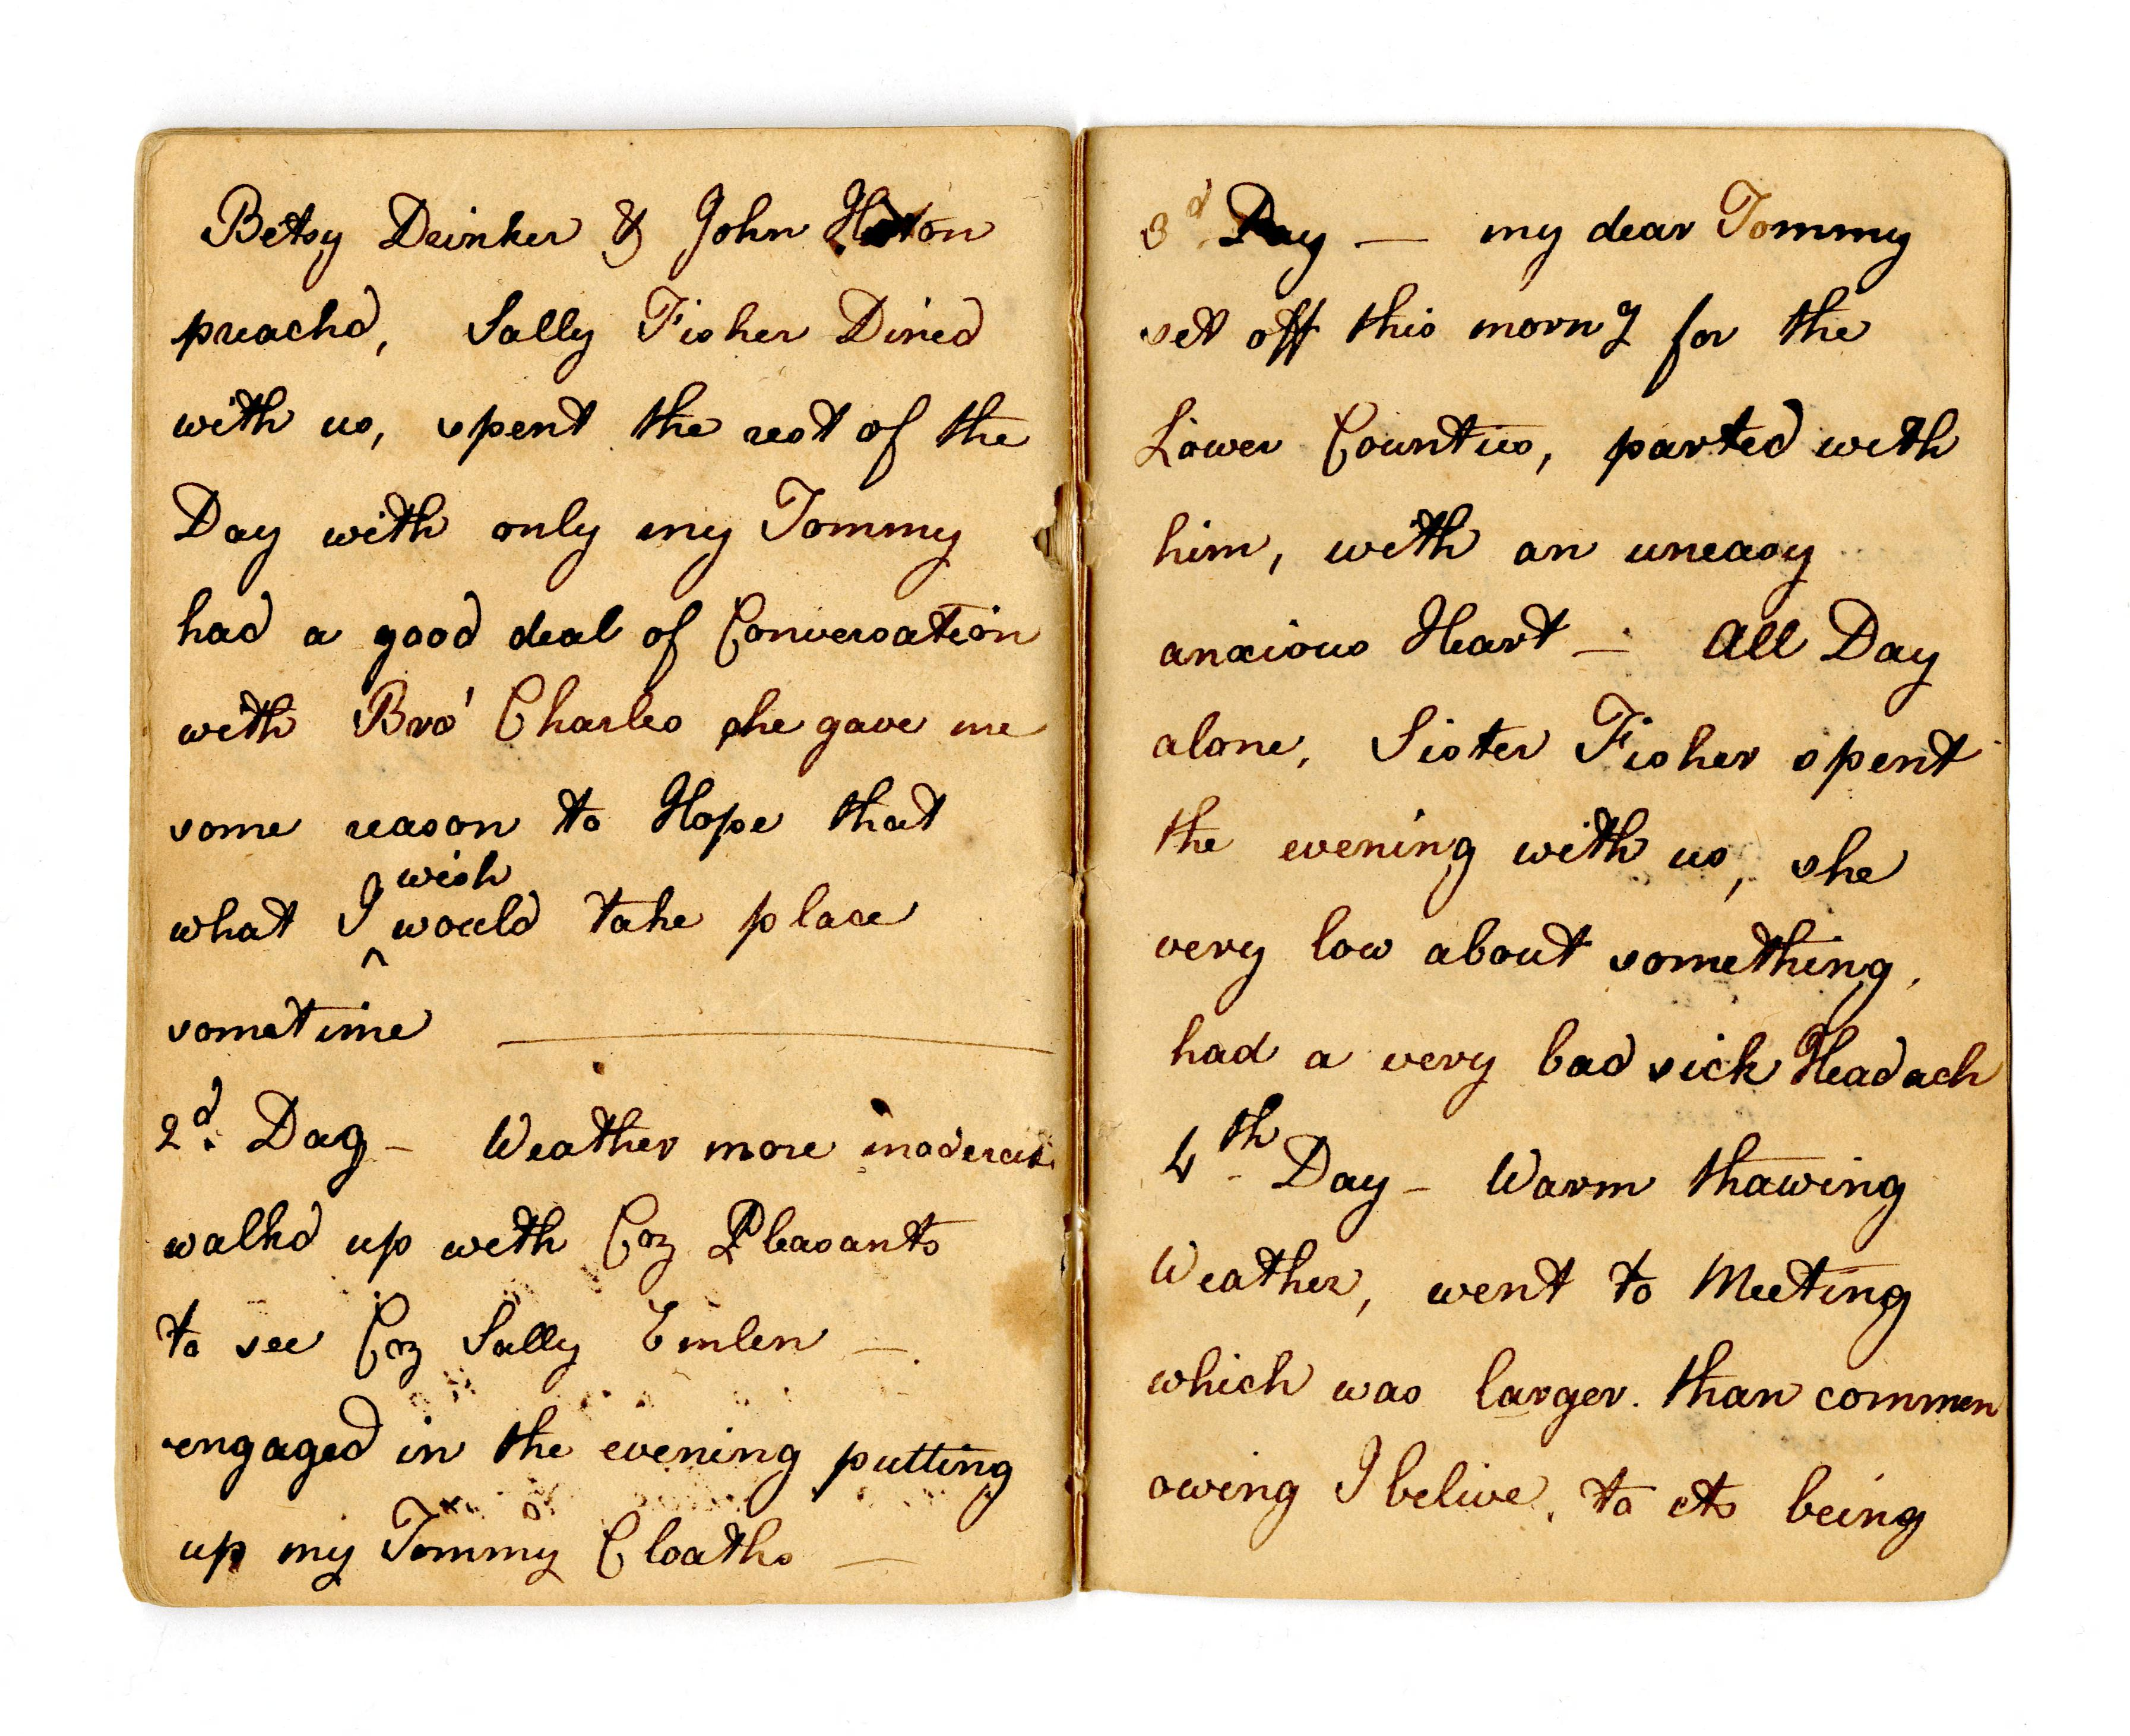Betsy Drinker & John H[_]ton
preachd, Sally Fisher Dined
with us, spent the rest of the
Day with only my Tommy
had a good deal of Conversation
with Bro' Charles she gave me
some reason to Hope that
wish
what I ^ would take place
sometime
2^d. Day- Weather more modereit
walkd up with Coz Pleasants
to see Coz Sally Emlen -
engaged in the evening putting
up my Tommy Cloaths-
3^d Day- my dear Tommy
set off this morn^g for the
Lower Counties, parted with
him, with an uneasy
anxious Heart- All Day
alone, Sister Fisher spent
the evening with us- she
very low about something,
had a very bad sick Headach
4^th Day- Warm thawing
Weather, went to Meeting
which was larger. than common
owing I belive, to its being